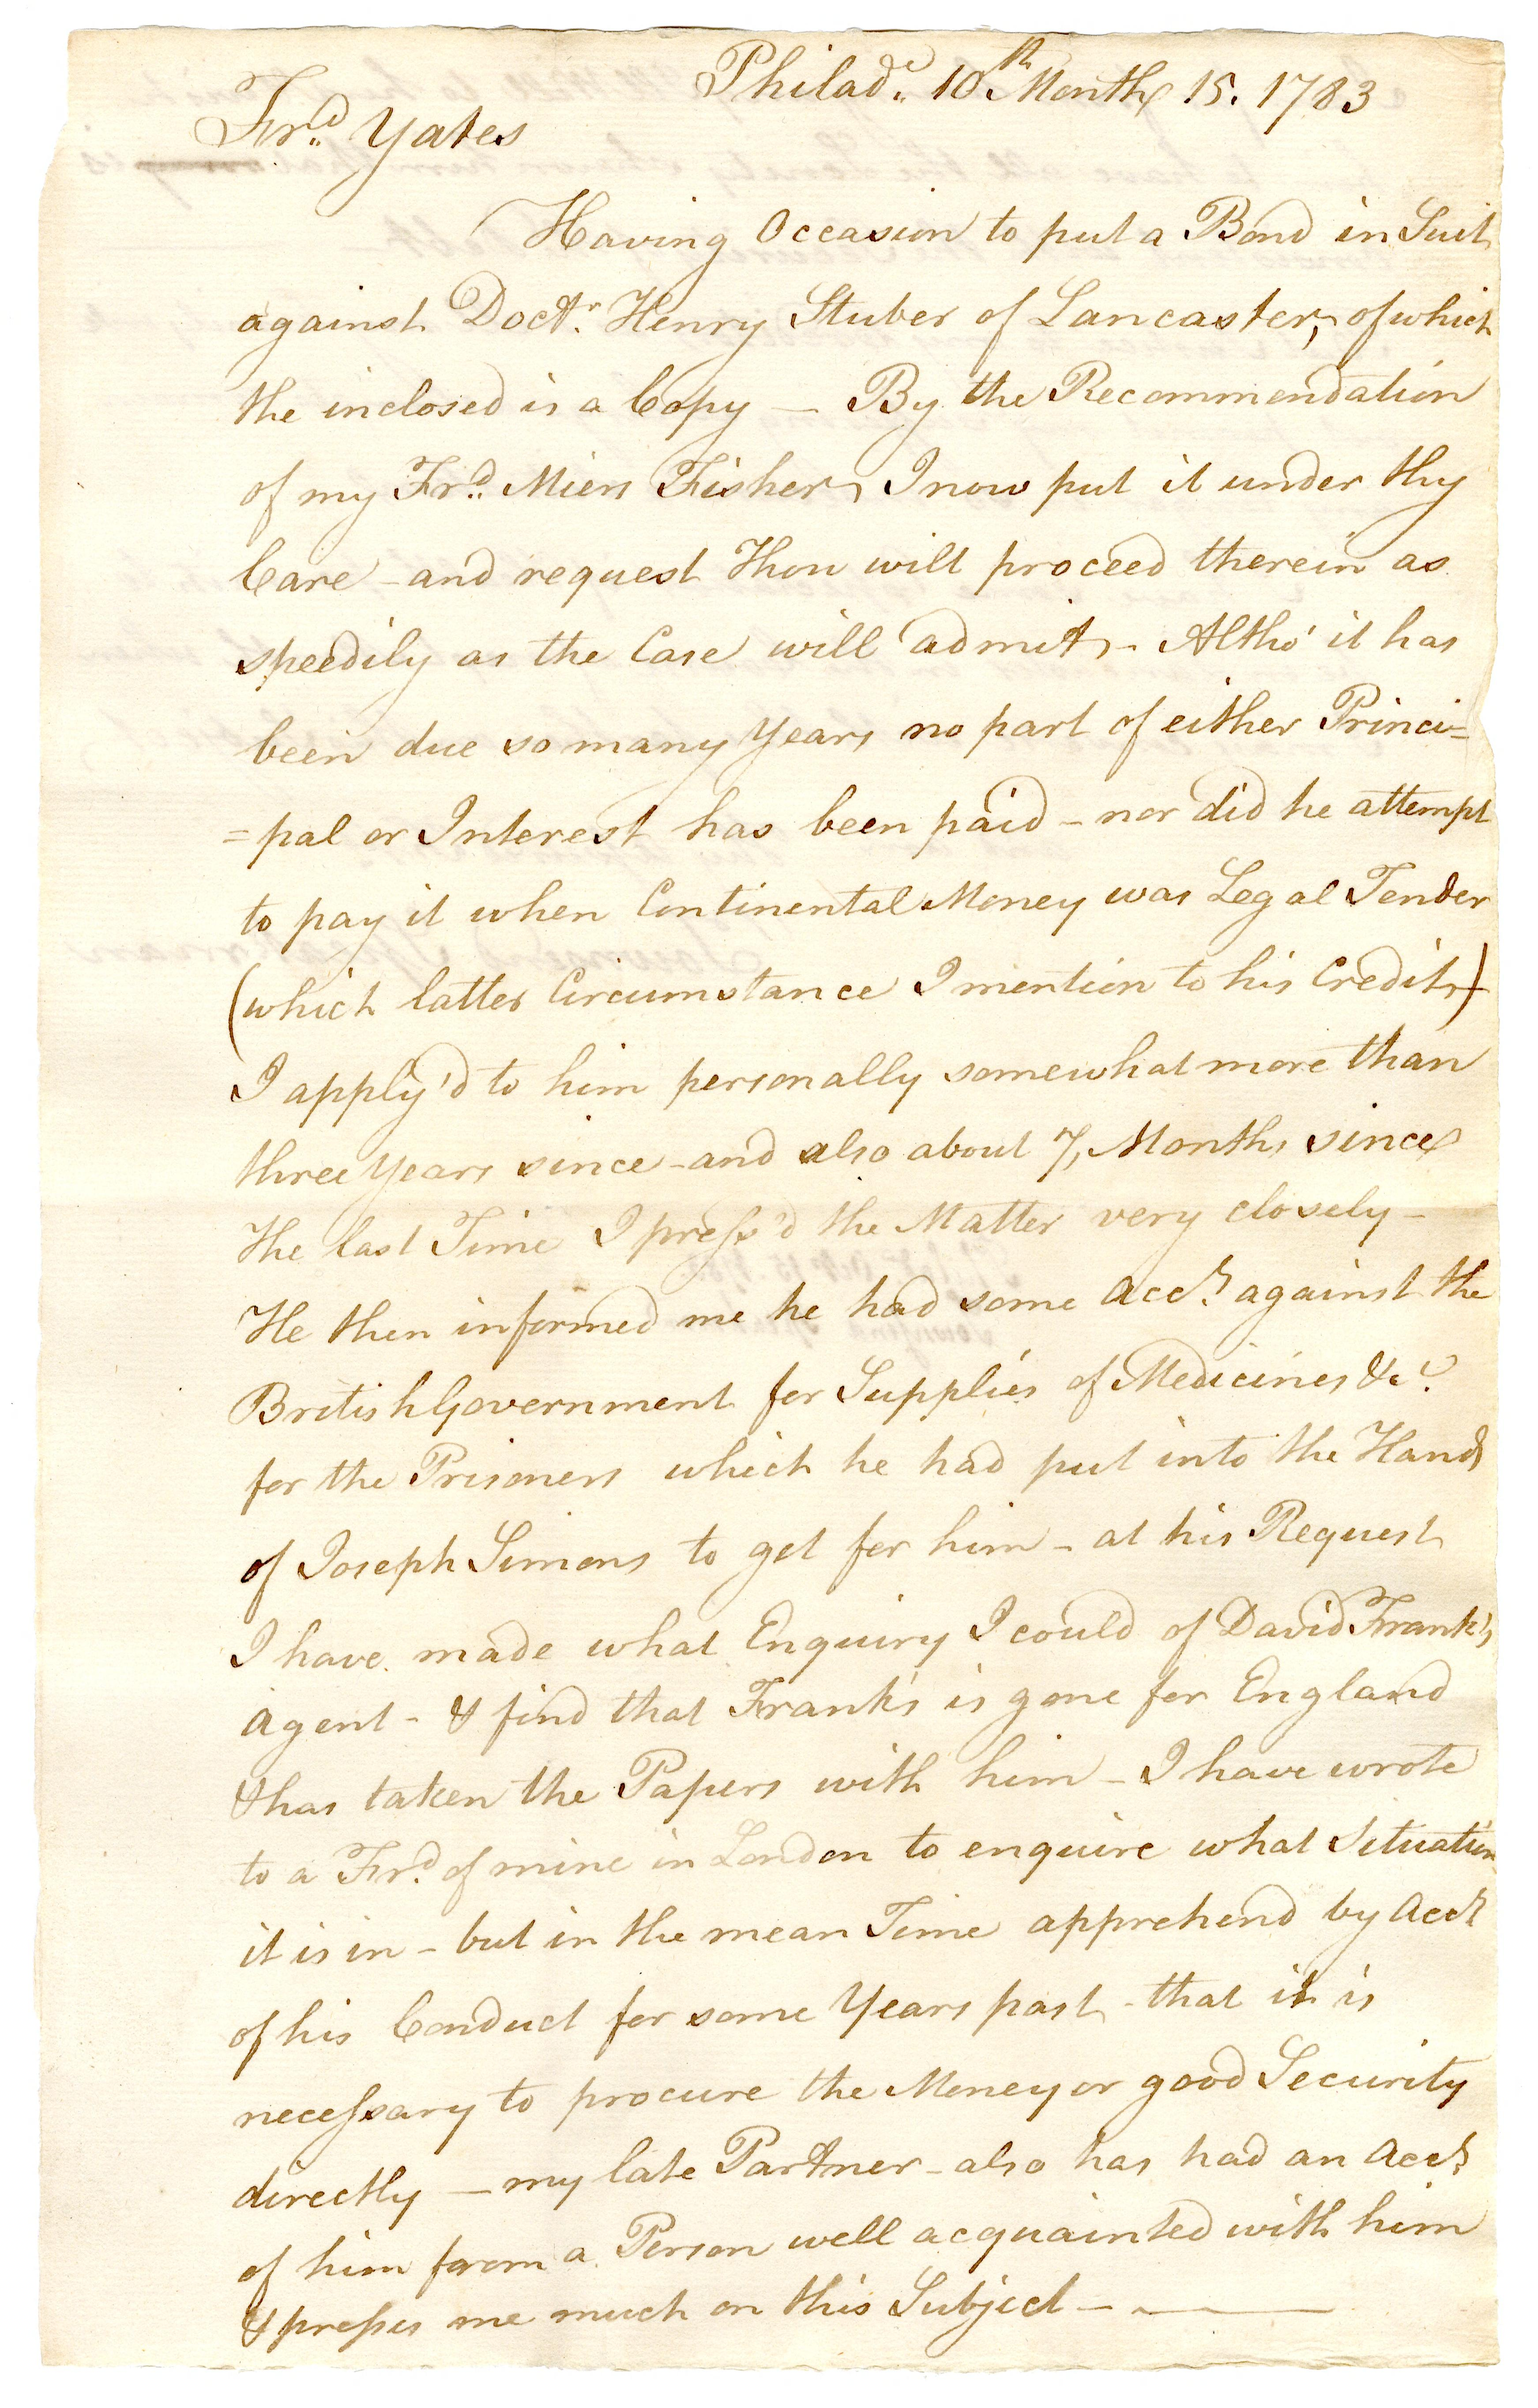Philad^a. 10^th Month 15. 1783
Fr^d. Yates
Having Occasion to put a Bond in Suit
against Doct^r. Henry Stuber of Lancaster, of which
the inclosed is a Copy. By the Recommendation
of my Fr^d. Miers Fisher I now put it under thy
Care- and request Thou will proceed therein as
speedily as the Case will admit, Altho' it has
been due so many years no part of either Princi-
-pal or Interest has been paid- nor did he attempt
to pay it when Continental Money was Legal Tender
(which latter Circumstance I mention to his Credits)
I apply'd to him personally somewhat more than
three years since- and also about 7, Month, since
The last Time I press'd the Matter very closely
He then informed me he had some Acc^t. against the
British Government for Supplies of Medicines &c.
for the Prisoners which he had put into the Hand
of Joseph Simons to get for him- at his Request
I have made what Enquiry I could of David Frank
Agent- & find that Franks is gone for England
& has taken the Papers with him. I have wrote
to a Fr^d. of mine in London to enquire what Situation
it is in- but in the mean Time apprehend by Acc^t.
of his Conduct for some Years past that it is
necessary to procure the Money or good Security
directly- my late Partner also has had an Acc^t
of him from a Person well acquainted with him
& presses me much on this Subject